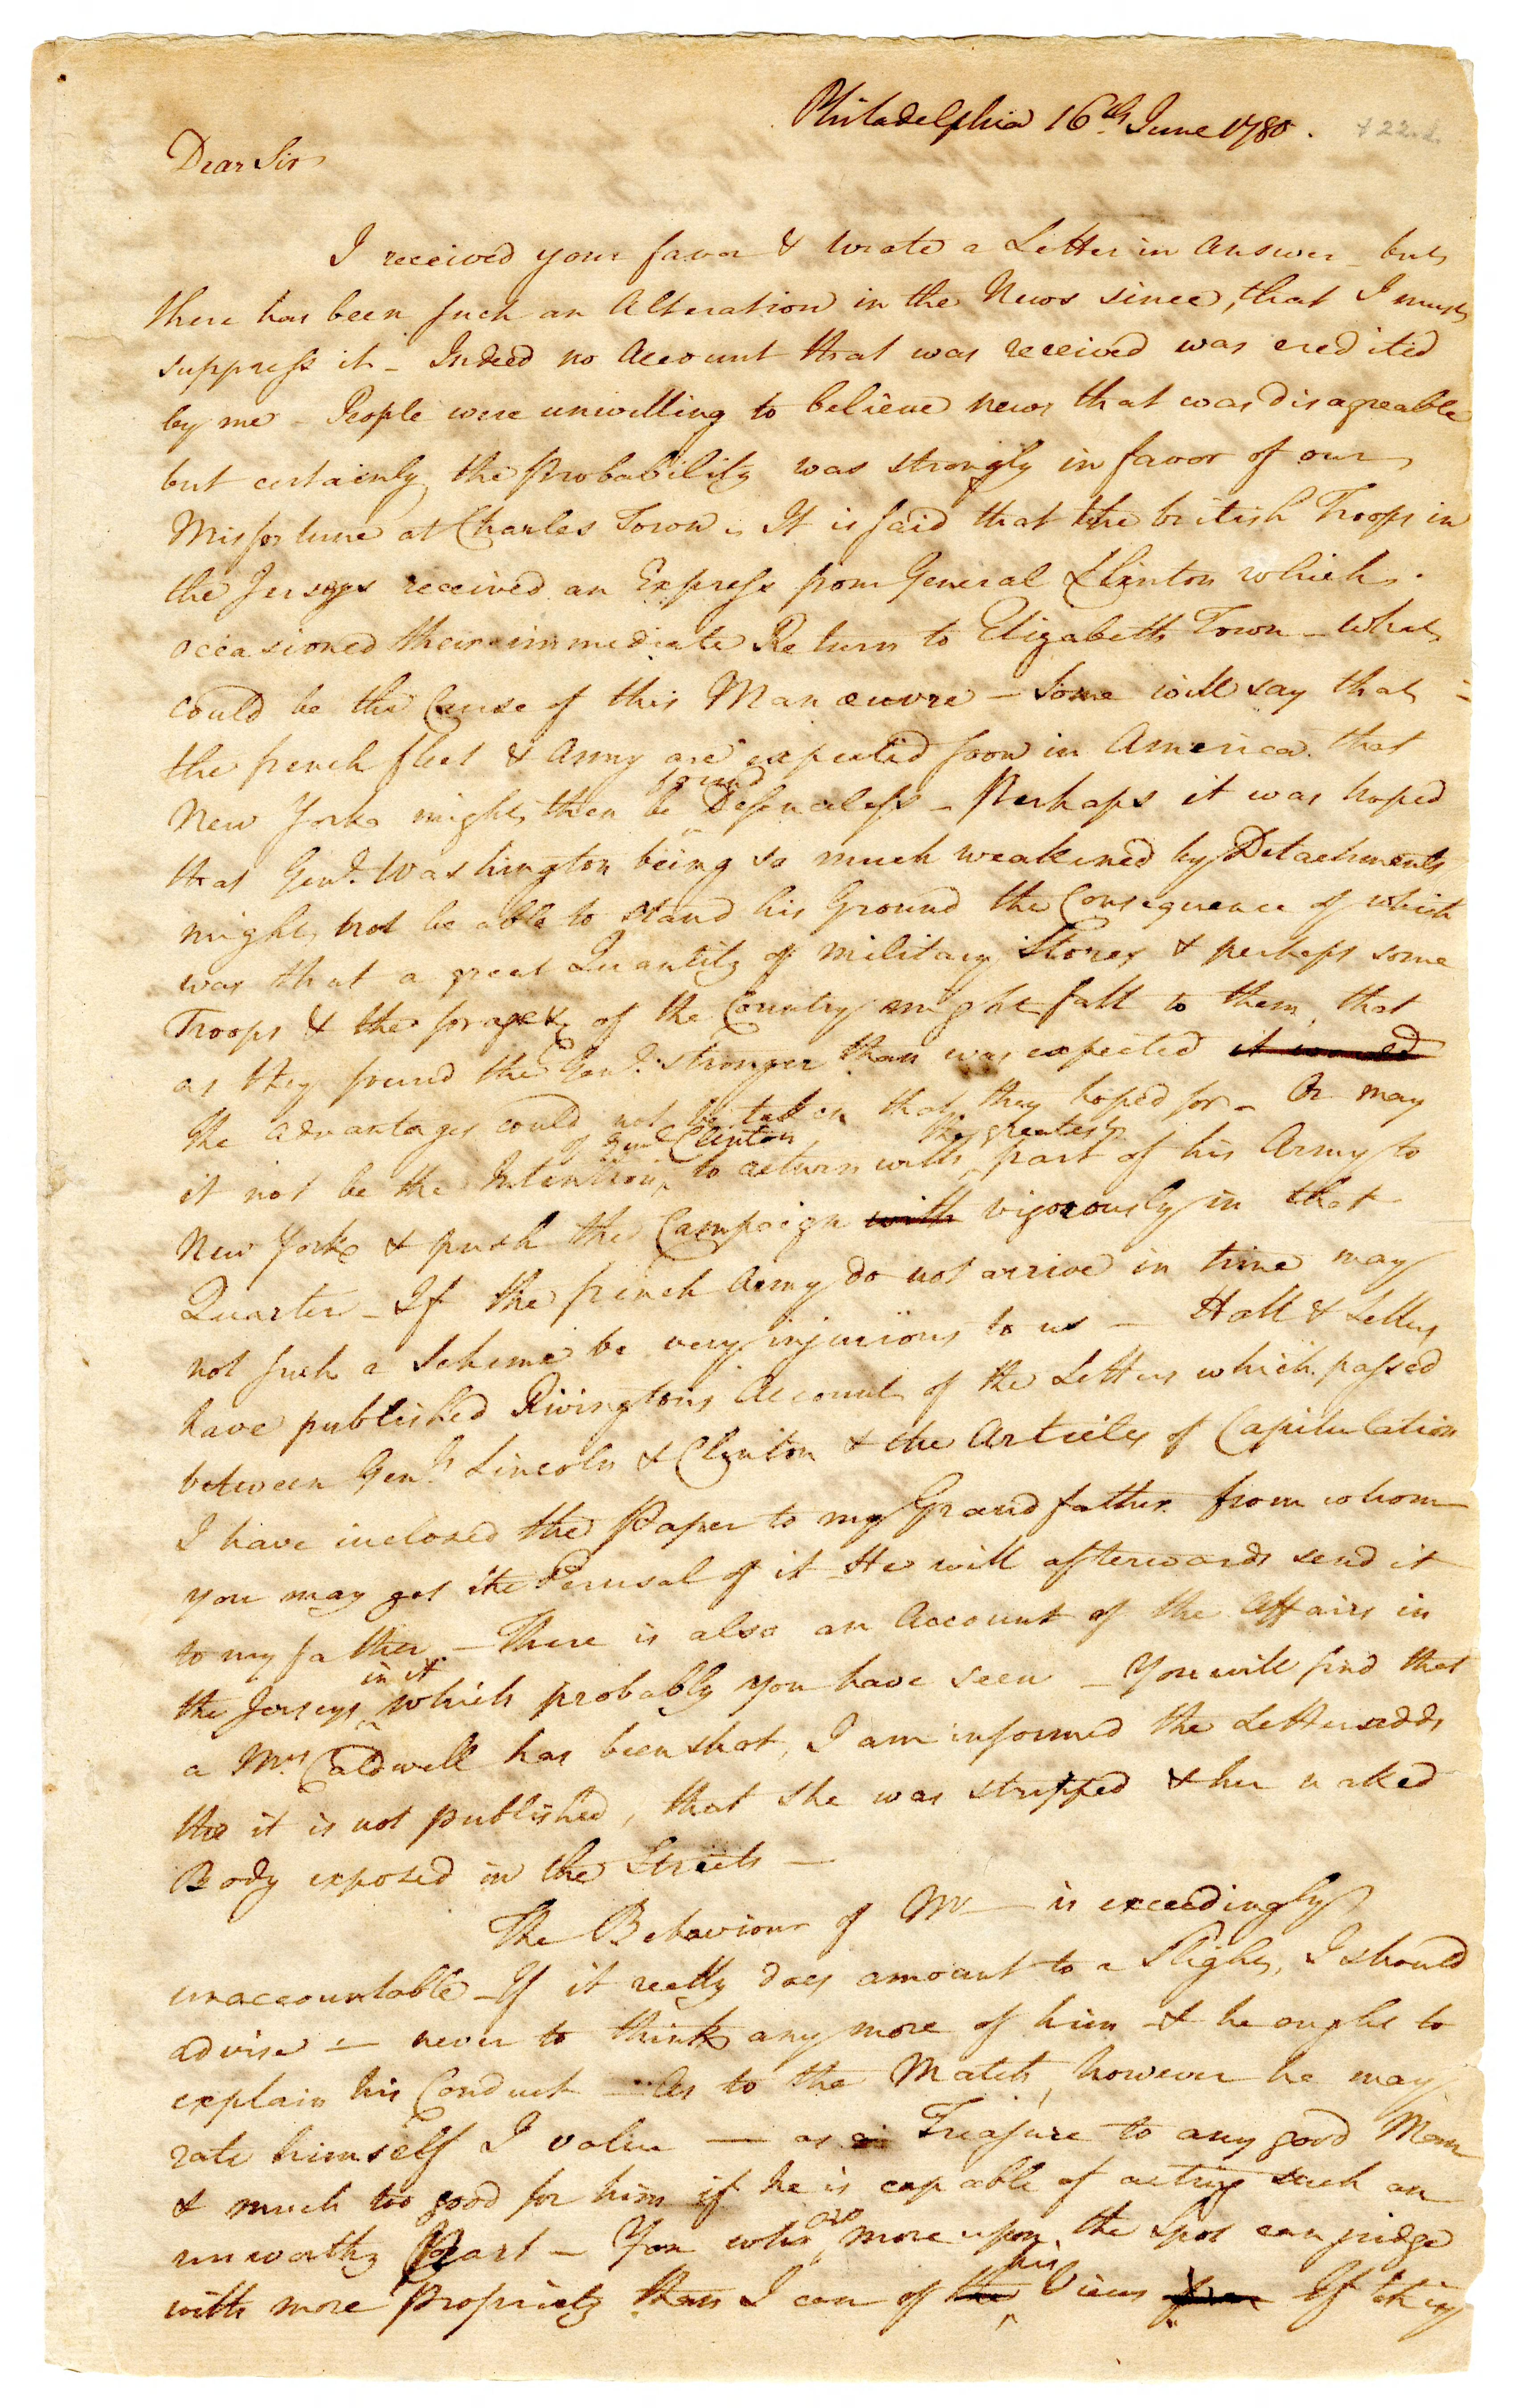Philadelphia 16^th. June 1780. 22.d
Dear Sir
I received your favor & wrote a Letter in Answer but
there has been such an Alteration in the News since that I must
suppress it. Indeed no account that was received was credited
by me. People were unwilling to believe news that was disagreable
but certainly, the probability was strongly in favor of our
Misfortune at Charles Torwn. It is said that the british Troops in
the Jerseys received an Express from General Clinton which
occasioned their immediate Return to Elizabeth Town- what
could be the Cause of this Manoeuvre. Some will say that
the french fleet & Army are expected soon in America that
found
New Yorke might then be ^ Defenceless. Perhaps it was hoped
that Gen^l. Washington being so much weakened by Detachment
might not be able to stand his Ground the Consequence of which
was that a great Quantity of Military Stores & perhaps some
Troops & the foraget of the Country might fall to them that
as they found the Gen^l. stronger than was expected it would
the Advantages could not be taken that they hoped for. Or may
Clinton
the greatest
it not be the Intention ^ to return with ^ part of his Army to
New York & push the Campaign with vigorously in that
Quarter. If the French Army do not arrive in time may
not such a Scheme be very injurious to us. Hall & Letters
have published Rivingtons Account of the Letters which passed
between Gen^l. Lincoln & Clinton & the Articles of Capitulation
I have inclosed the Paper to my Grand father from whom
you may get the Perusal of it He will afterwards send it
to my father. There is also an Account of the Affairs in
the Jersey which probably you have seen. You will find that
a M^rs. Caldwell has been shot, I am informed the Letter adds
the it is not published that she was stripped & her naked
Body exposed in the Streets.
The Behaviour of M- is exceedingly
unaccountable. If it really does amount to a Slight, I should
advise- never to think any more of him & he ought to
explain his Conduct. As to the Match however he may
rate himself I value– as Treasure to any good Man
& much too good for him if he is capable of acting such an
unworthy Part. You who^se more open, the Spot can judge
his
with more propriety, than I can of the ^ Views four If they